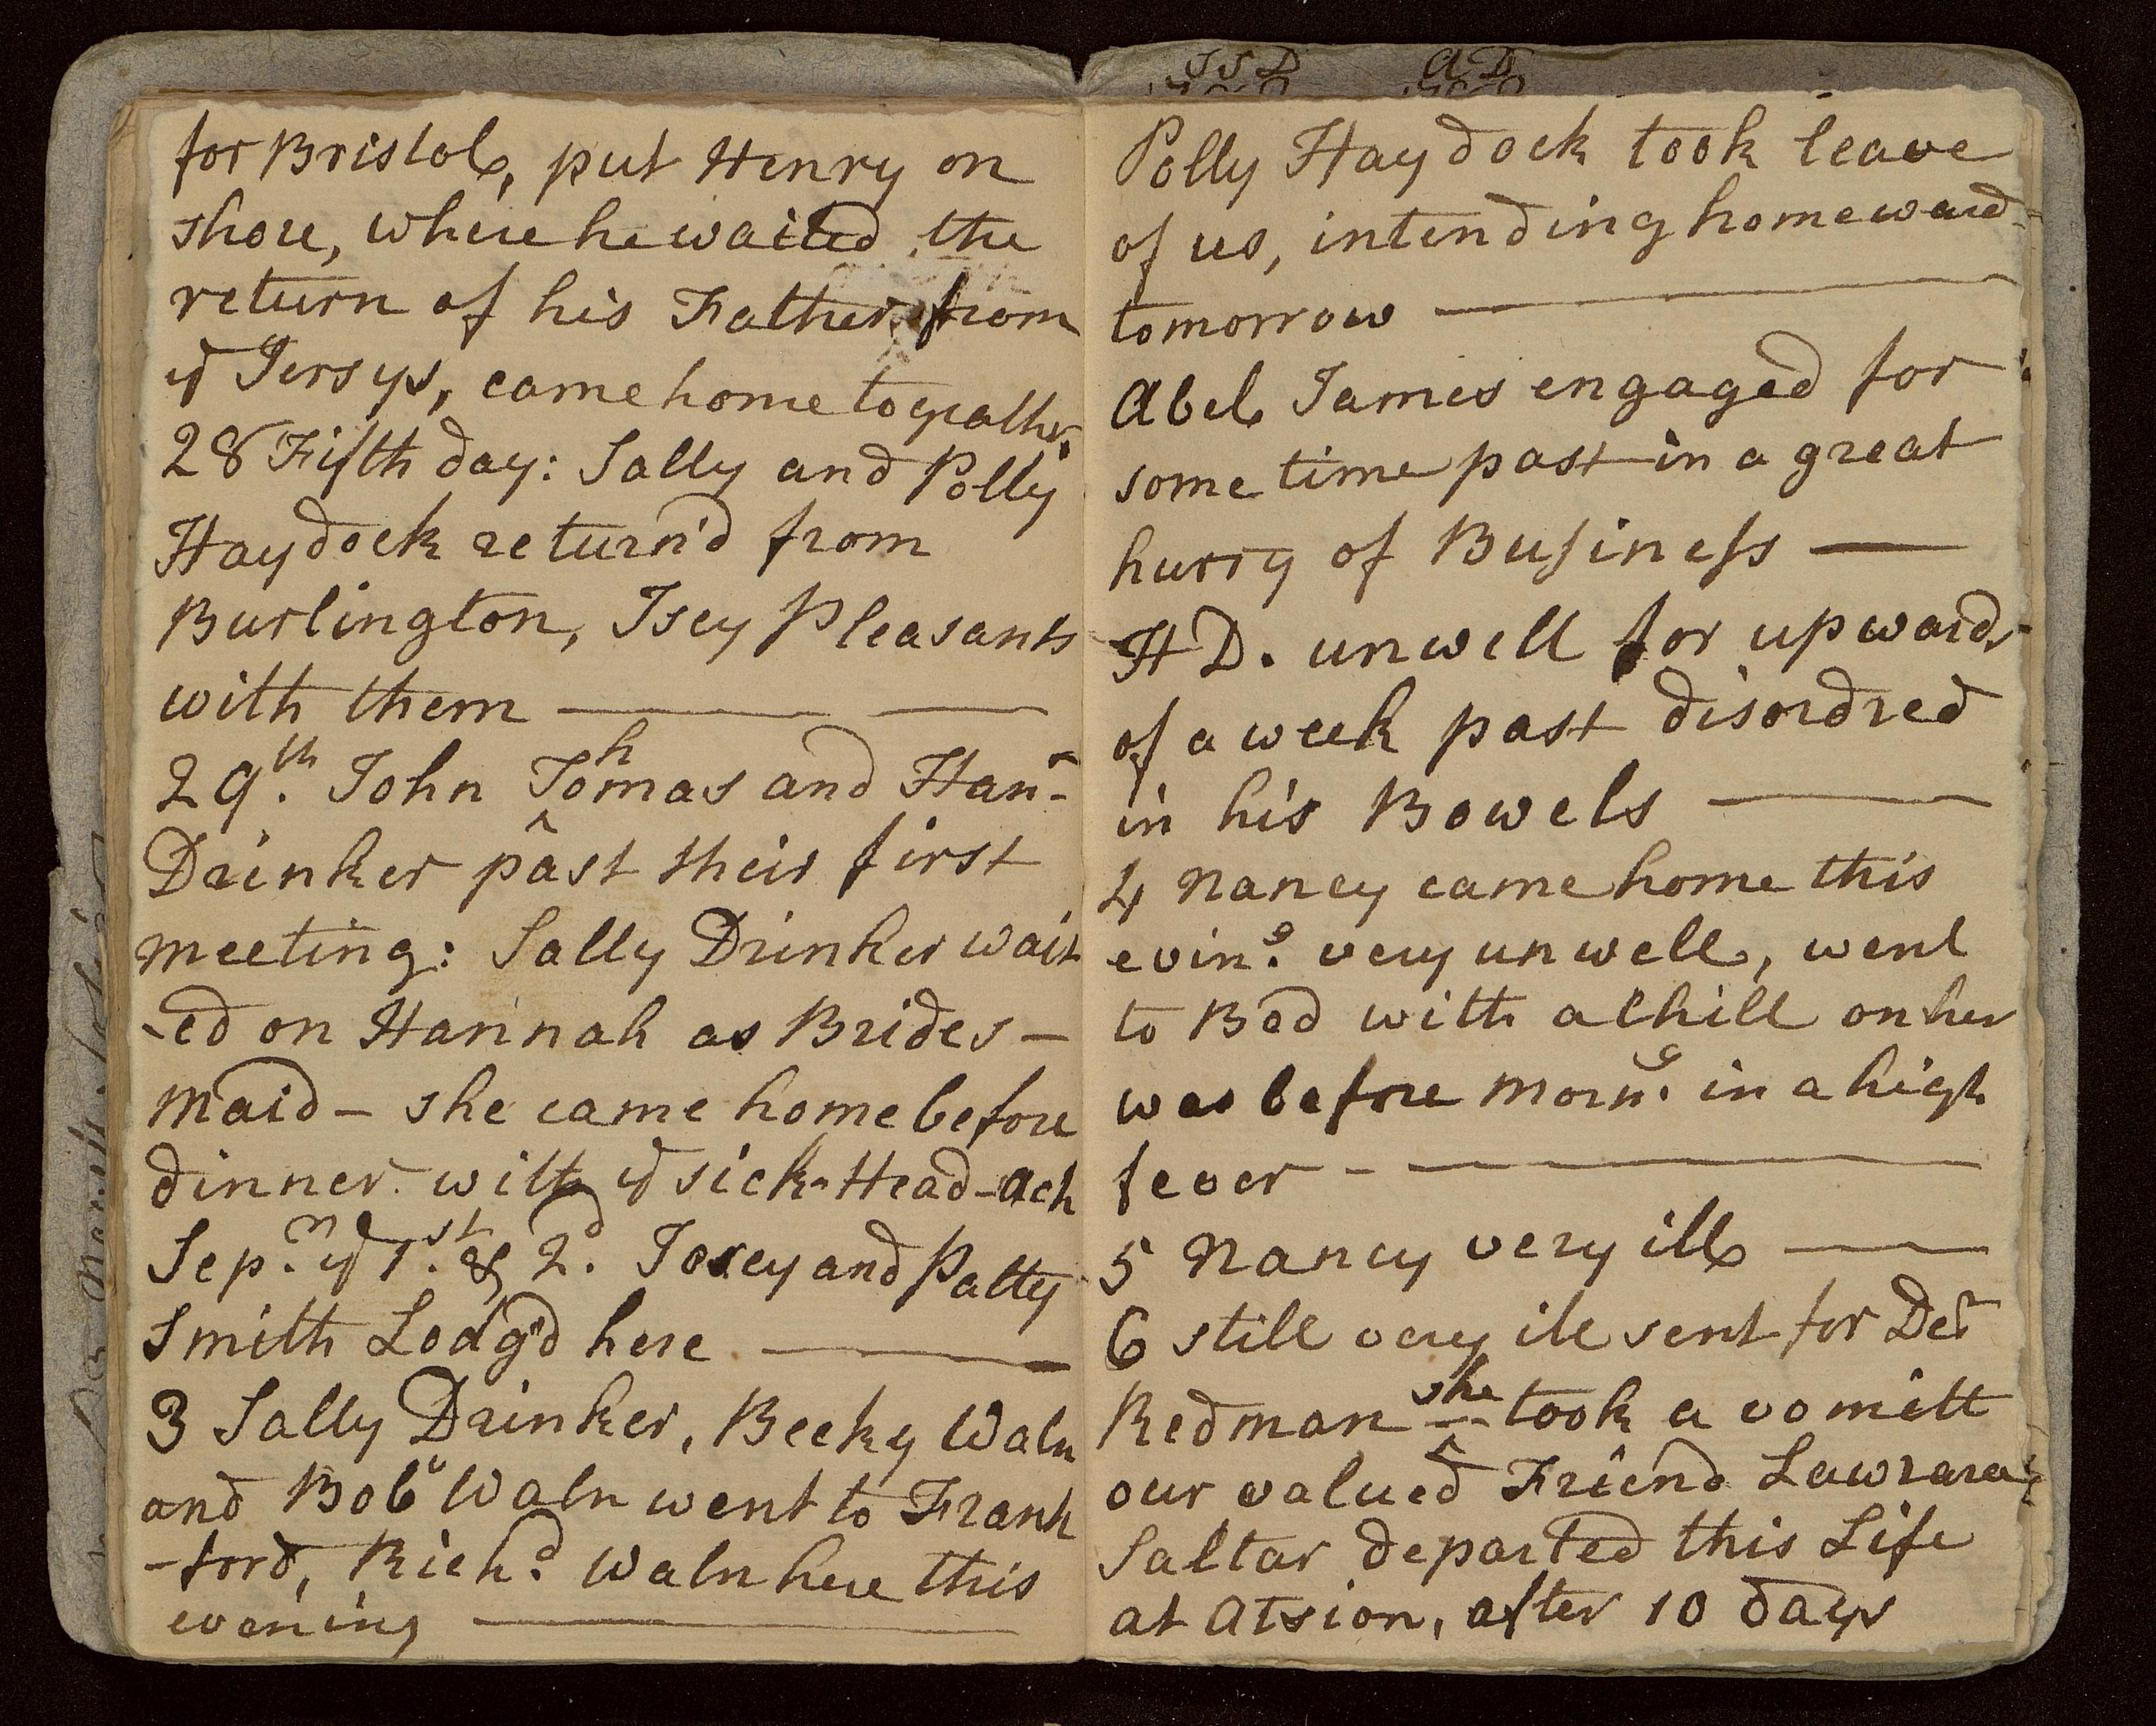for Bristol, put Henry on
shore, where he waited the
return of his Father from
y^e Jersys, came home togeather,
28 Fifth day: Sally and Polly
Haydock returnr'd from
Burlington, Isey Pleasants
with them-
29^th. John T ^ o ^h mas and Han^[h]-
Drinker past their first
meeting: Sally Drinker wait
-ed on Hannah as Brides-
maid- she came home before
dinner. with y^e sick-Head-ach
Sep^r. y^e 1^st & 2^d. Josey and Patty
Smith Lodg'd here-
3 Sally Drinker, Becky Waln
and Rob^t Waln went to Frank
-ford, Rich^d. Waln here this
evening
Polly Haydock took leave
of us, intending homeward
tomorow
Abel James engaged for
some time past in a great
hurry of Business-
HD. unwell for upwards
of a week past disordred
in his Bowels-
4 Nancy came home this
even^g. very unwell, went
to Bed with a chill on her
was before morn^g. in a high
fever-
5 Nancy very ill-
6 still very ill sent for Deb^h
Redman ^she - took a vomitt
ocir valued Friend Lawrance
Saltar departed this Life
at Atsion, after 10 days